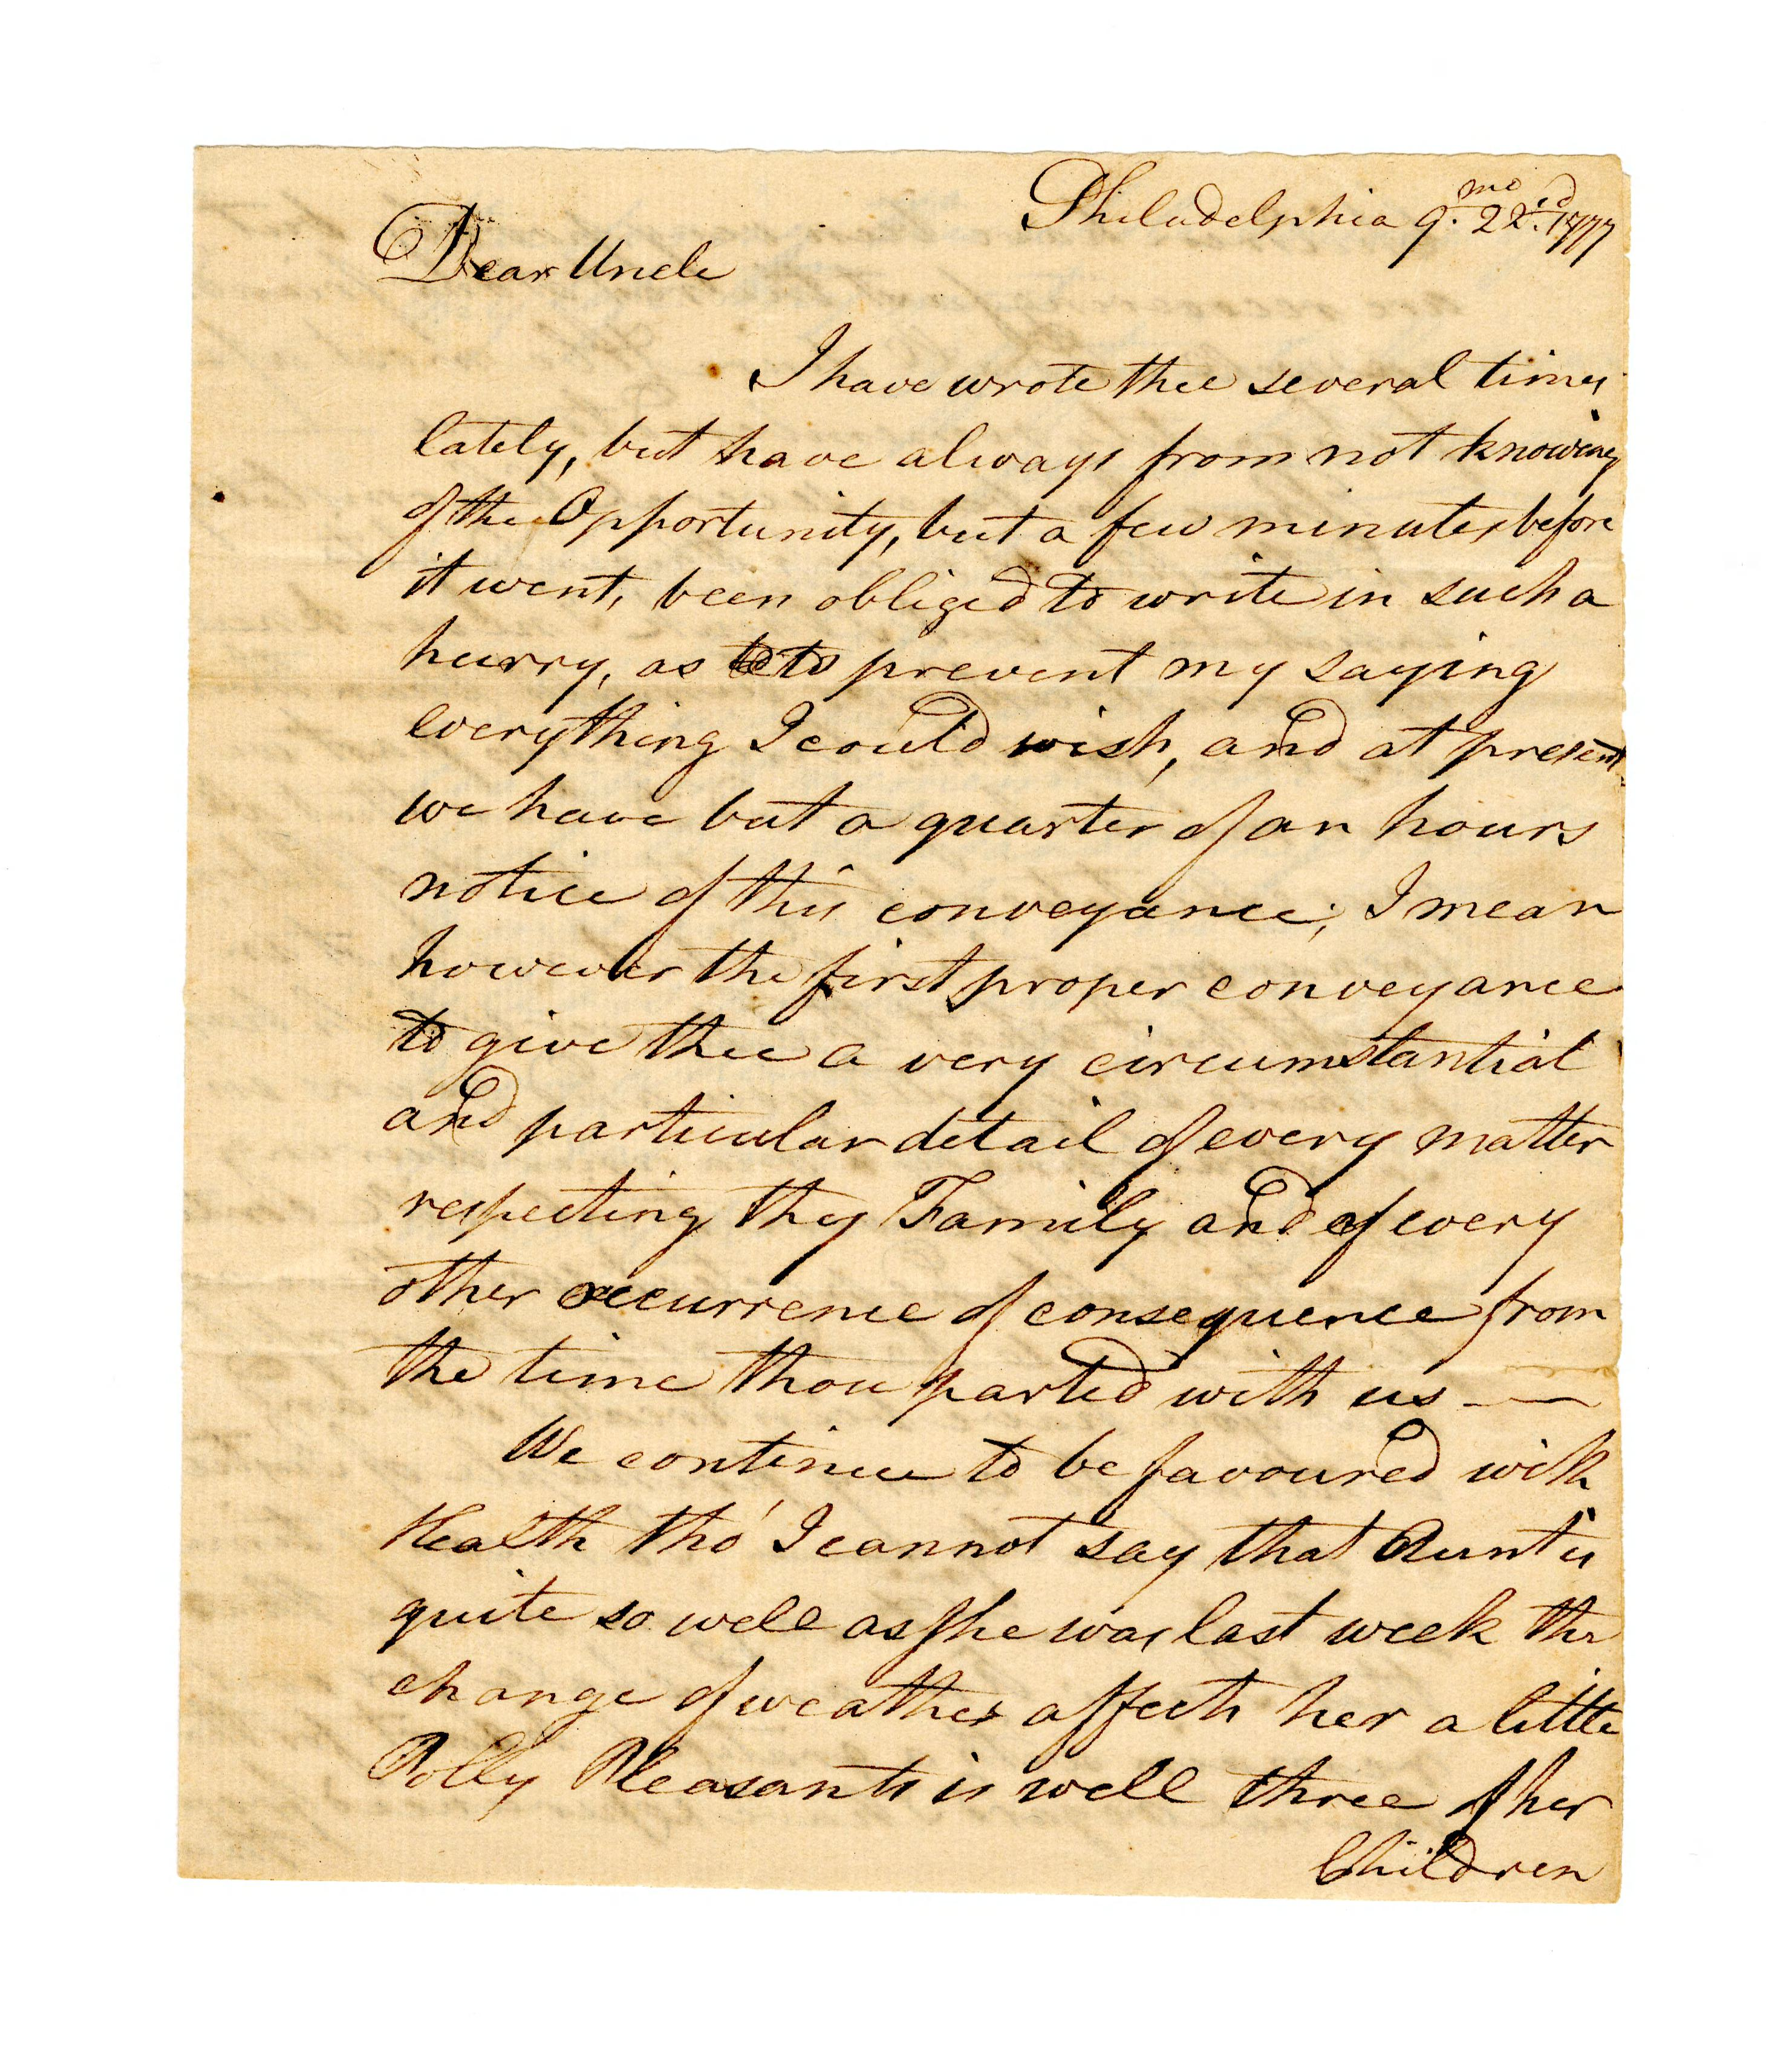Philadelphia 9.^mo 22.^nd 1777
Dear Uncle
I have wrote thee several times
lately, but have always from not knowing
of the Opportunity, but a few minutes before
it went, been obliged to write in such a
hurry, as to prevent my saying
everything I could wish, and at present
we have but a quarter of an hours
notice of this conveyance; I mean
however the first proper conveyance
to give thee a very circumstantial
and particular detail of every matter
respecting thy Family and of every
other occurrence of consequence from
the time thou parted with us.-
We continue to be favoured with
Health tho' I cannot say that Aunt is
quite so well as she was last week the
change of weather affects her a little
Polly Pleasants is well three of her
children